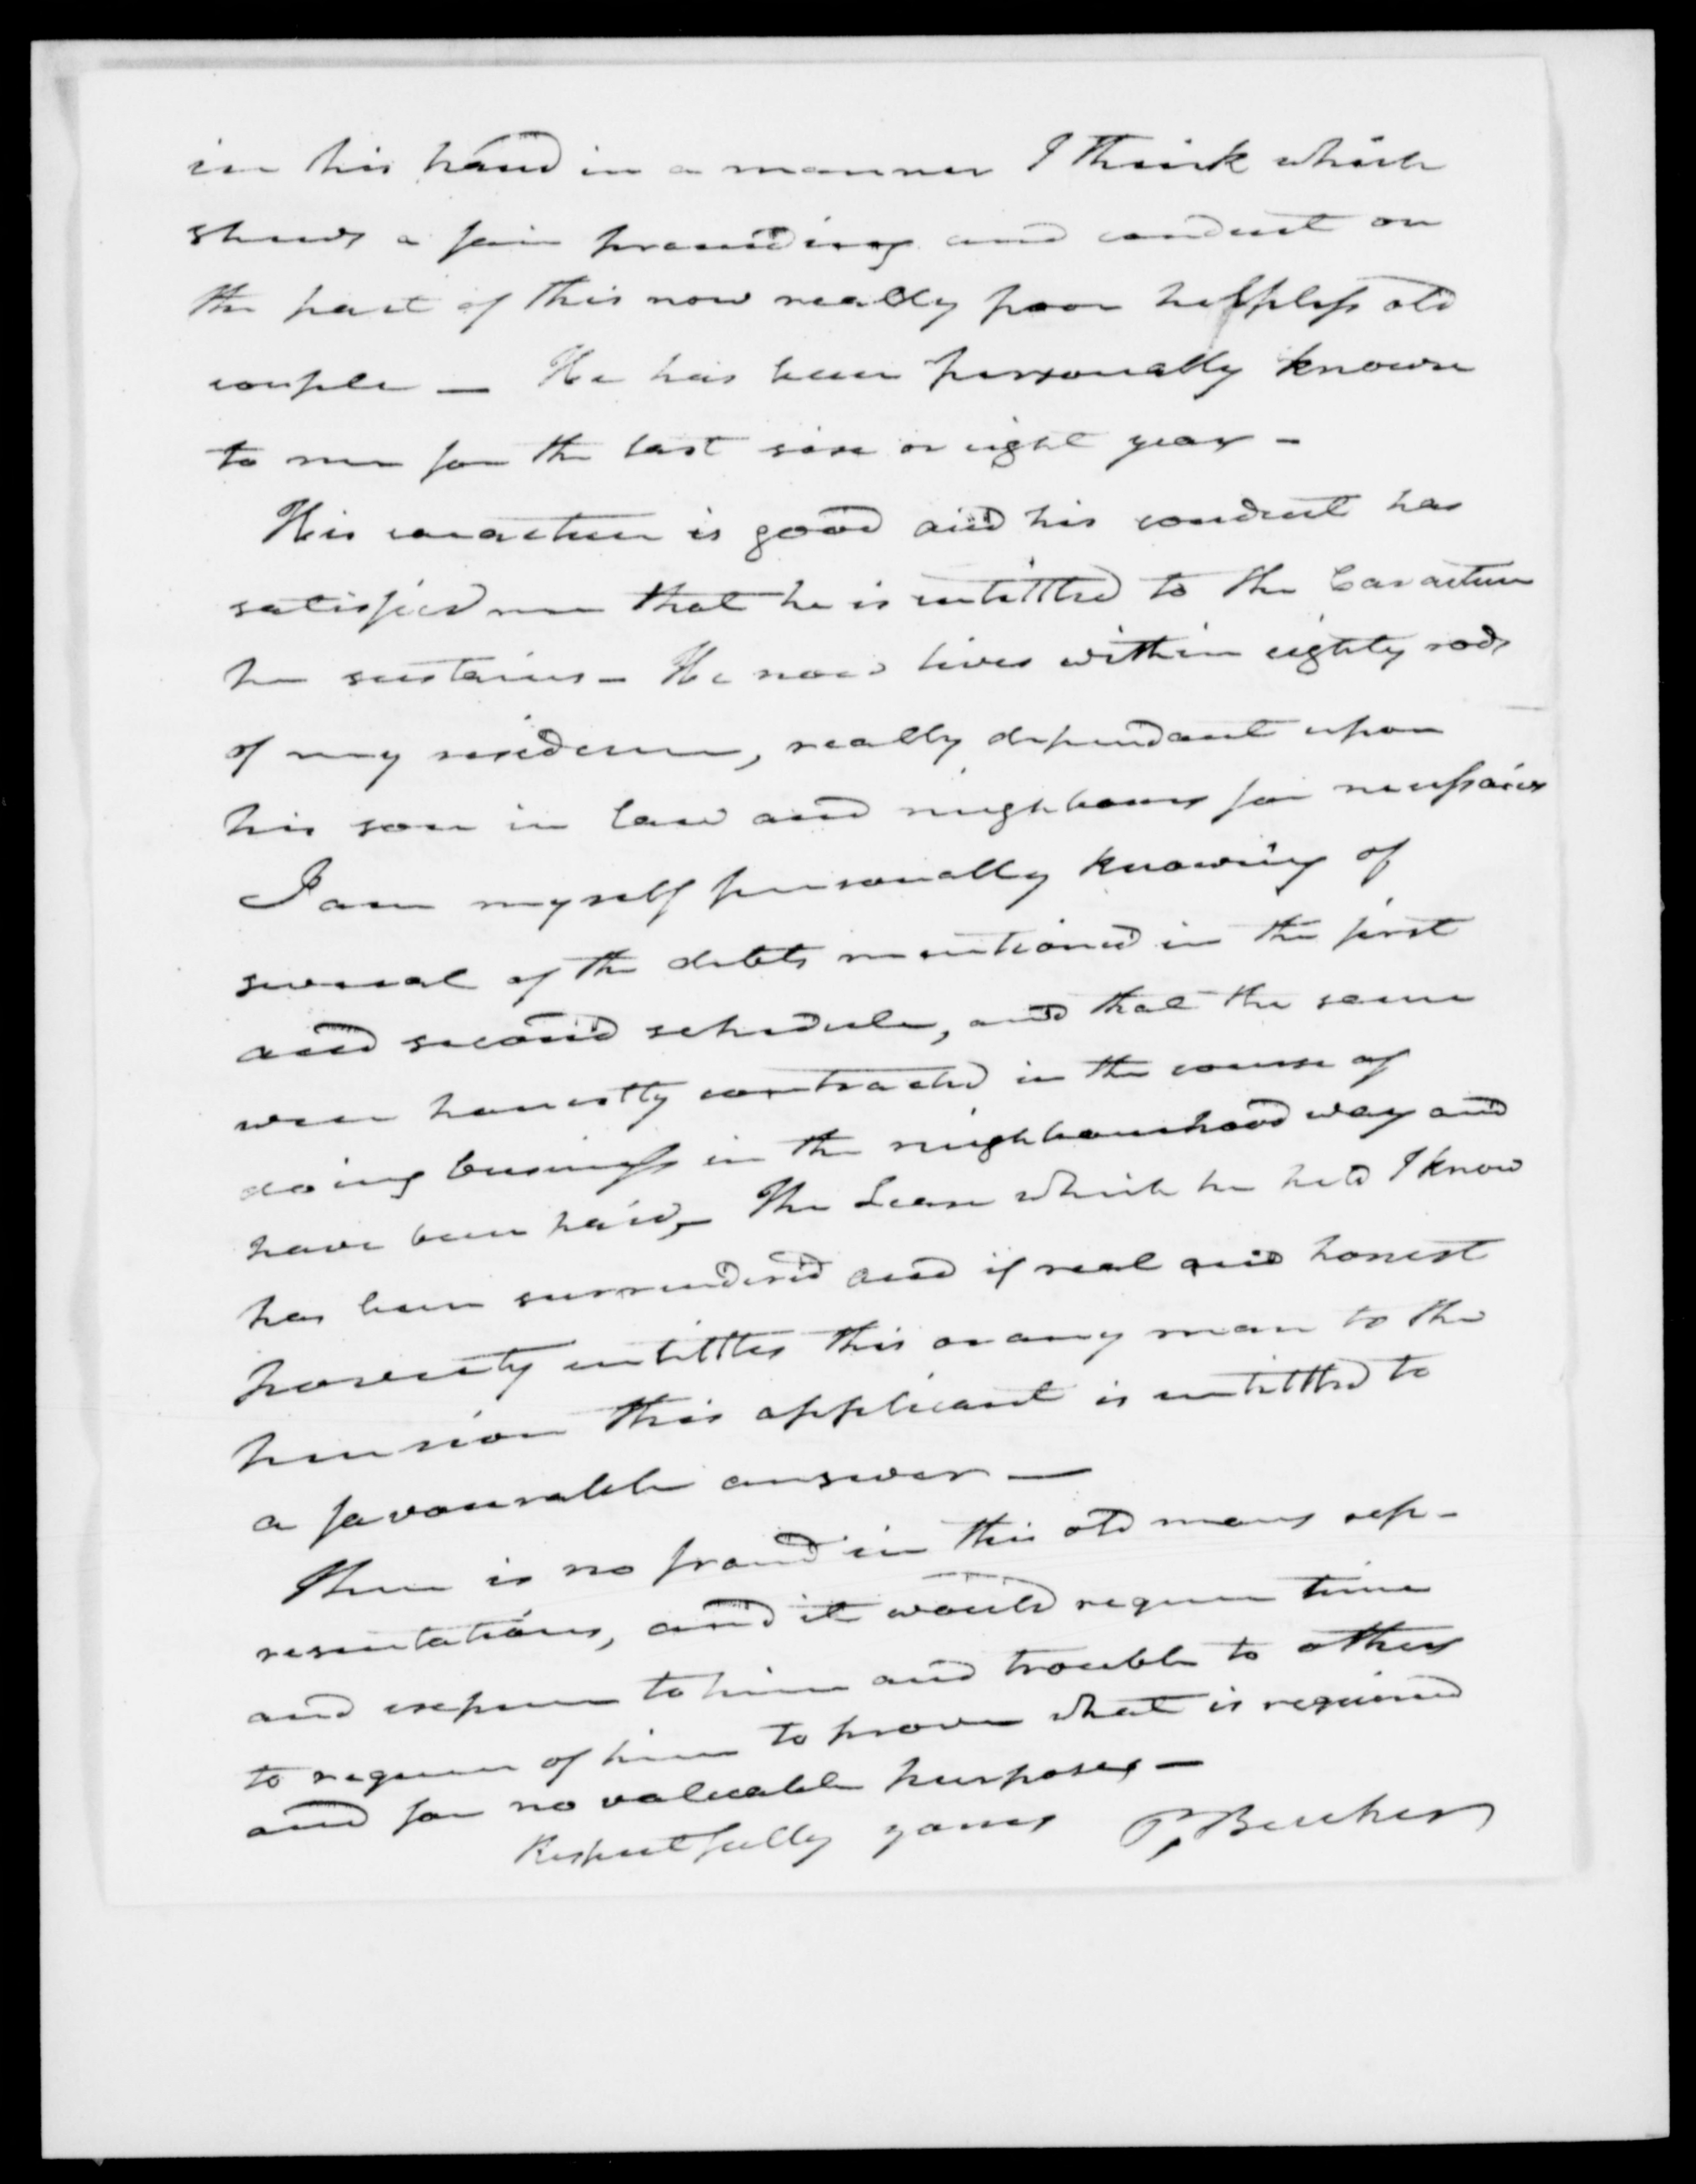in his hand in a manner I think which shews a fair preceding and conduct on the part of this now really poor helpless old couple. He has been personally known to me for the last six or eight year His caracter is good and his conduct has satisfied me that he is entittled to the Caracter he sustains. He now lives within eighty rods of my residence, really dependant upon his son in law and neighbours for necessaries I am myself personally knowing of several of the debts mentioned in the first and second schedule, and that the same were honestly contracted in the course of doing business in the neighbourhood way and have been paid. The Lease which he held I know has been surrendered and if real and honest [illegible] entittles this or any man to the pension this applicant is entittled to a favourable answer

There is no fraud in this old mans apresentations [?], and it would requer time and expense to him and trouble to others to require of him to prove that is required and for no valuable purpose
Respectfully yours P Bucker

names: P Beecher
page: 29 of 29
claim: survivor's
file: S. 40642, James Waters, Continental (Md)